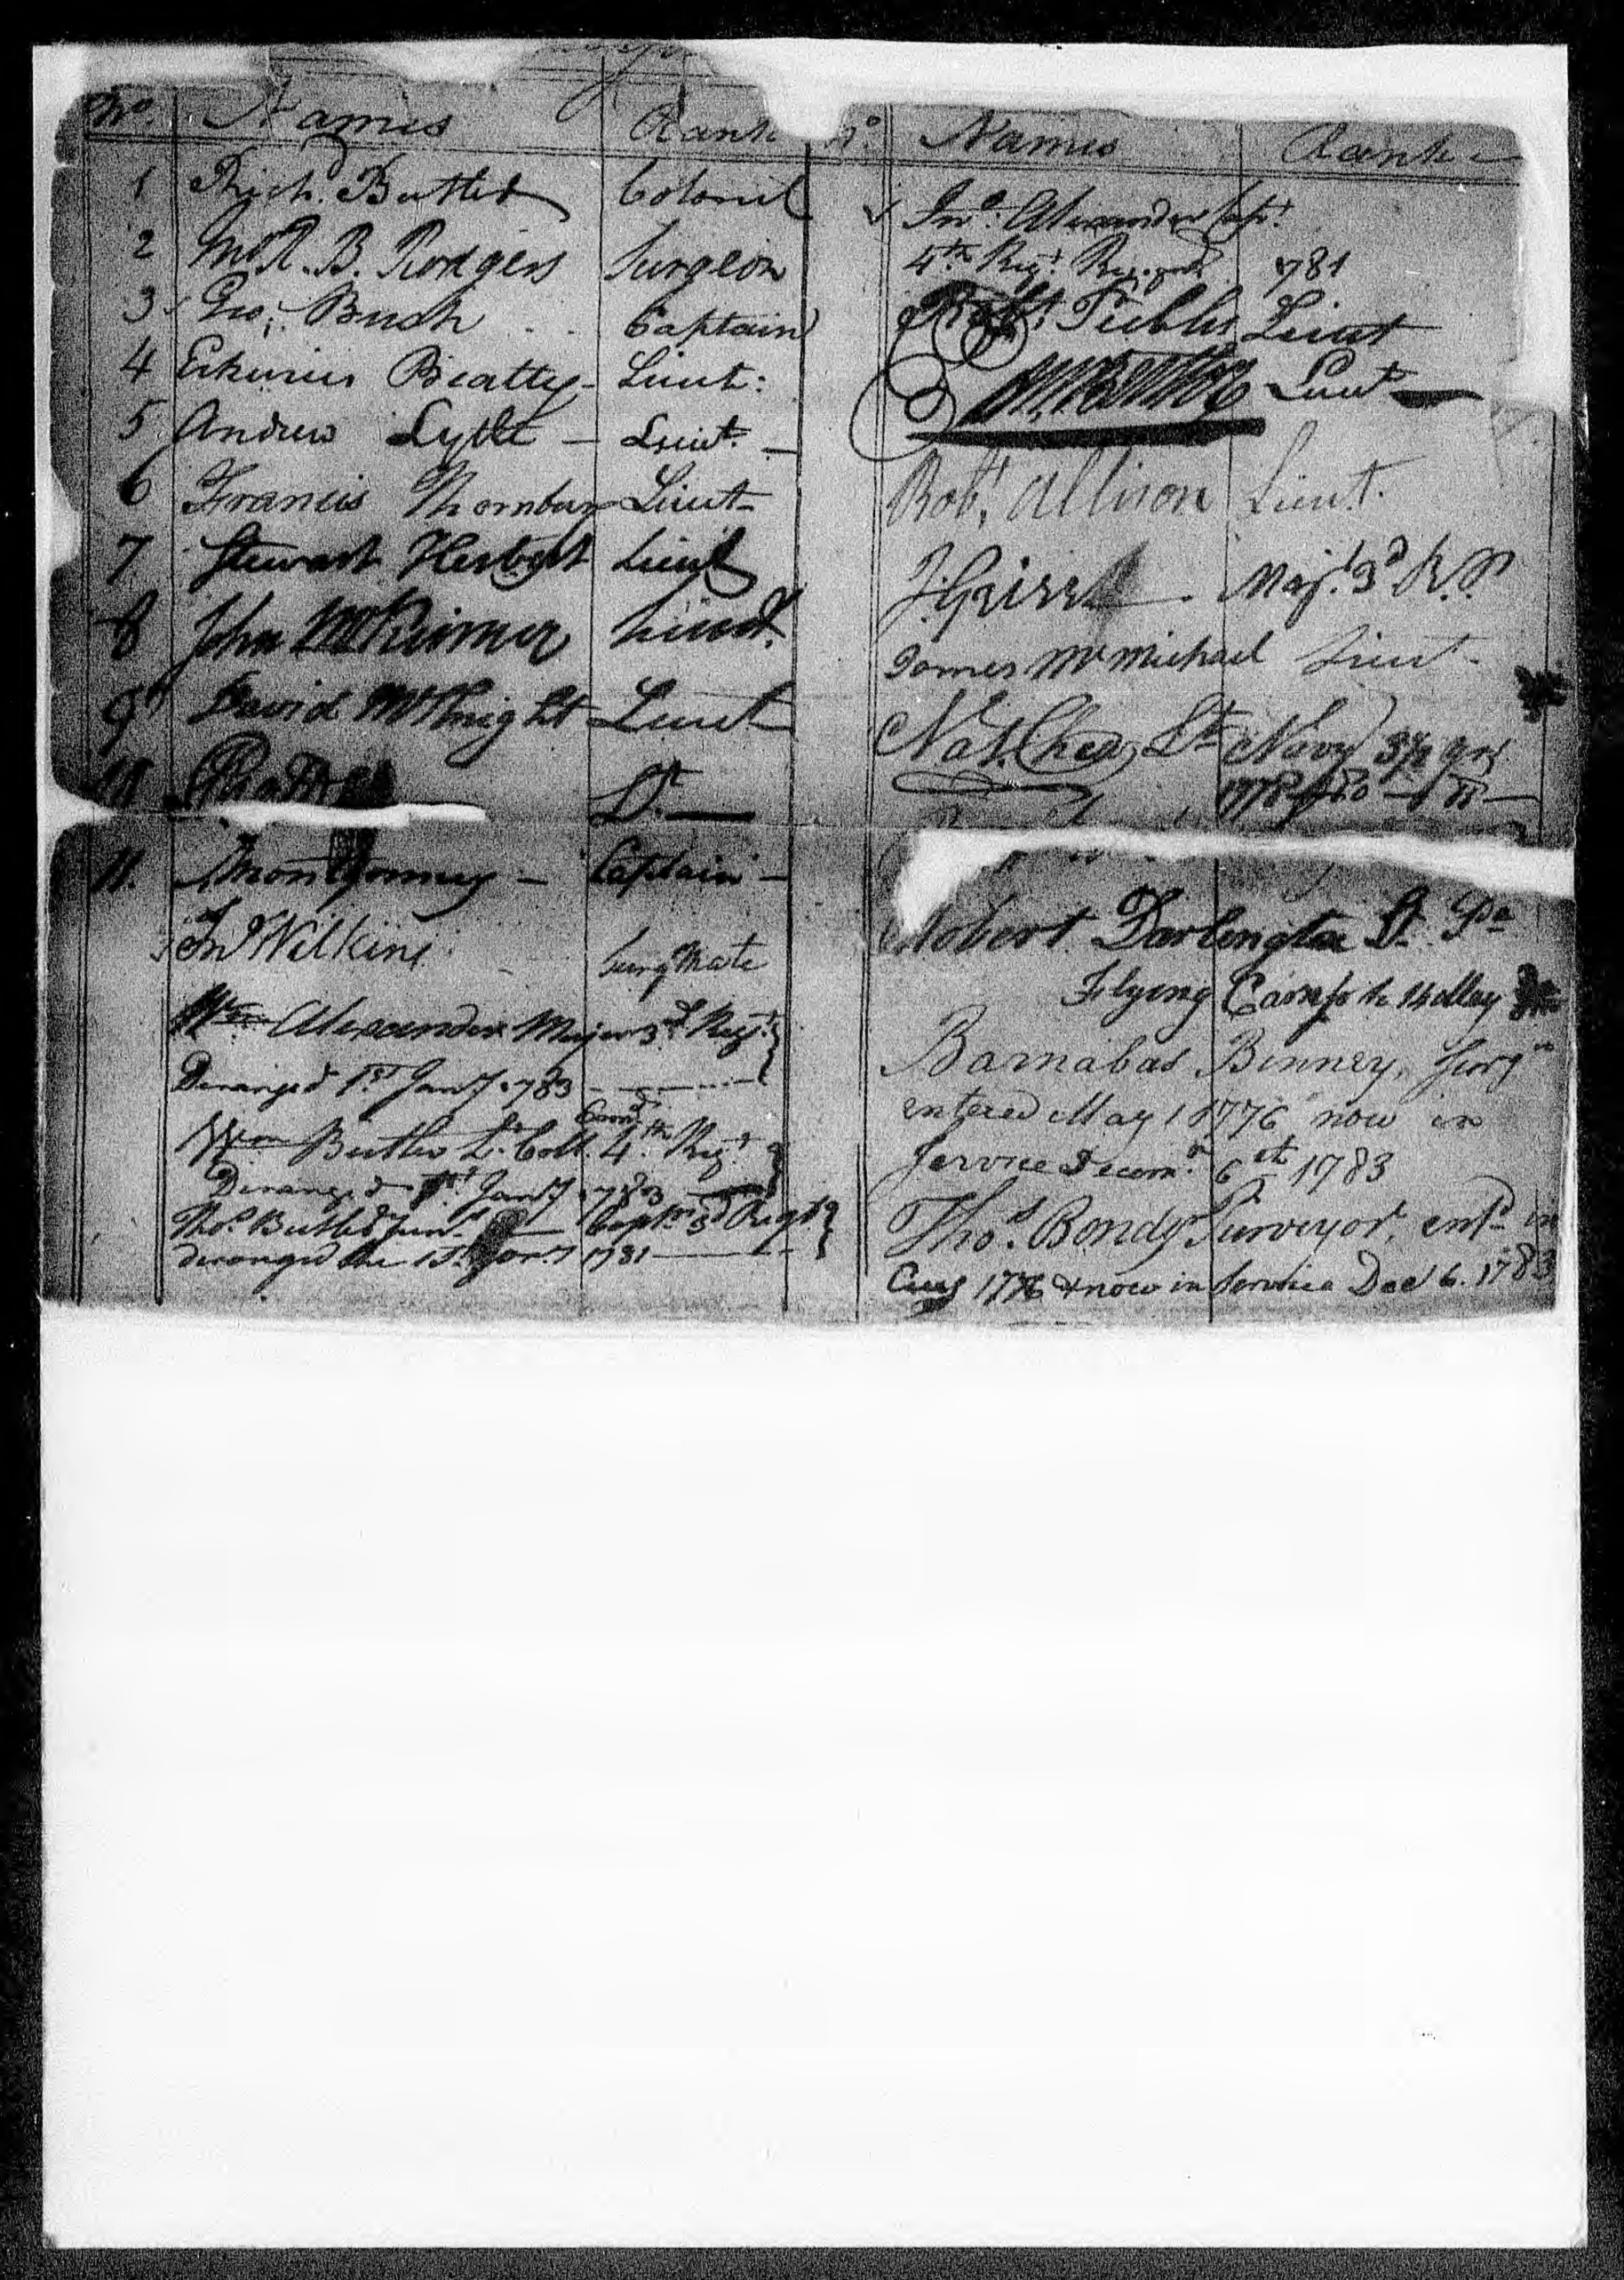[Two columns]
[Left column]

[3 columnar headings:]
No. Names Rank

1 Rich Butler Colonel

2 Jno R.B. Rodgers Surgeon

3 Geo. Bush Captain

4 Eckwins Beatty Lieut.

5 Andrew Lytle Lieut.

6 Francis Thornbury Lieut.

7 Stewart Herbert Lieut.

8 John McKinney Lieut.

9 David McKnight Lieut.

10 Pratt Lt.

11 Montgomery Captain

Jno Wilkins [illegible] Mate

Wm Alexander Major 3rd Regt. }
[illegible] 1st Jany 1783 }

Wm Butler L. Col. [illegible] 4th Regt. }
[illegible] 1st Jany 1783 }

Thos. Butler [illegible] Capt. 3rd Regt. }
[illegible] the 1st Jany. 17[illegible]

[Right column]
[3 columnar headings:]
No. Names Rank

[checkmark] Wm. Alexander Capt
4th Regt. [illegible] 1781

Robt. Tickles Lieut.

[illegible] Lieut

Robt. Allison Lieut.

J. Grier Maj. 3rd [illegible]

James McMichael Lieut.

Nat. Chew Lt. Navy 3 1/2 yrs.
1778-80-81

Robert Darlington Lt. Pa.
Flying Camp [illegible]

Barnabas Bonney [illegible]
entered May 1 1776 now in
service decomd. 6th 1783

Thos. Bonds Surveyor entd. in
Aug 1776 & now in Service Dec 6. 1783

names: Nat Chew, Jno Alexander, Stewart Herbert, David Mc Knight, Robt Allison, Rich Butler, Thos Butler, Barnabas Bonney, Pratt, Jno R B Rodgers, Francis Thornbury, J Grier, Eckwins Beatty, Thos Bondy, , John Mc Kinney, Wm Alexander, Andrew Lytle, Robert Darlington, Jno Wilkins, Geo Bush, Wm Butler, James Mc Michael, Robt Peebles, Montgomery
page: 35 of 59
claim: widow's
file: W. 9383, Nathaniel Chew, Navy (Md.)